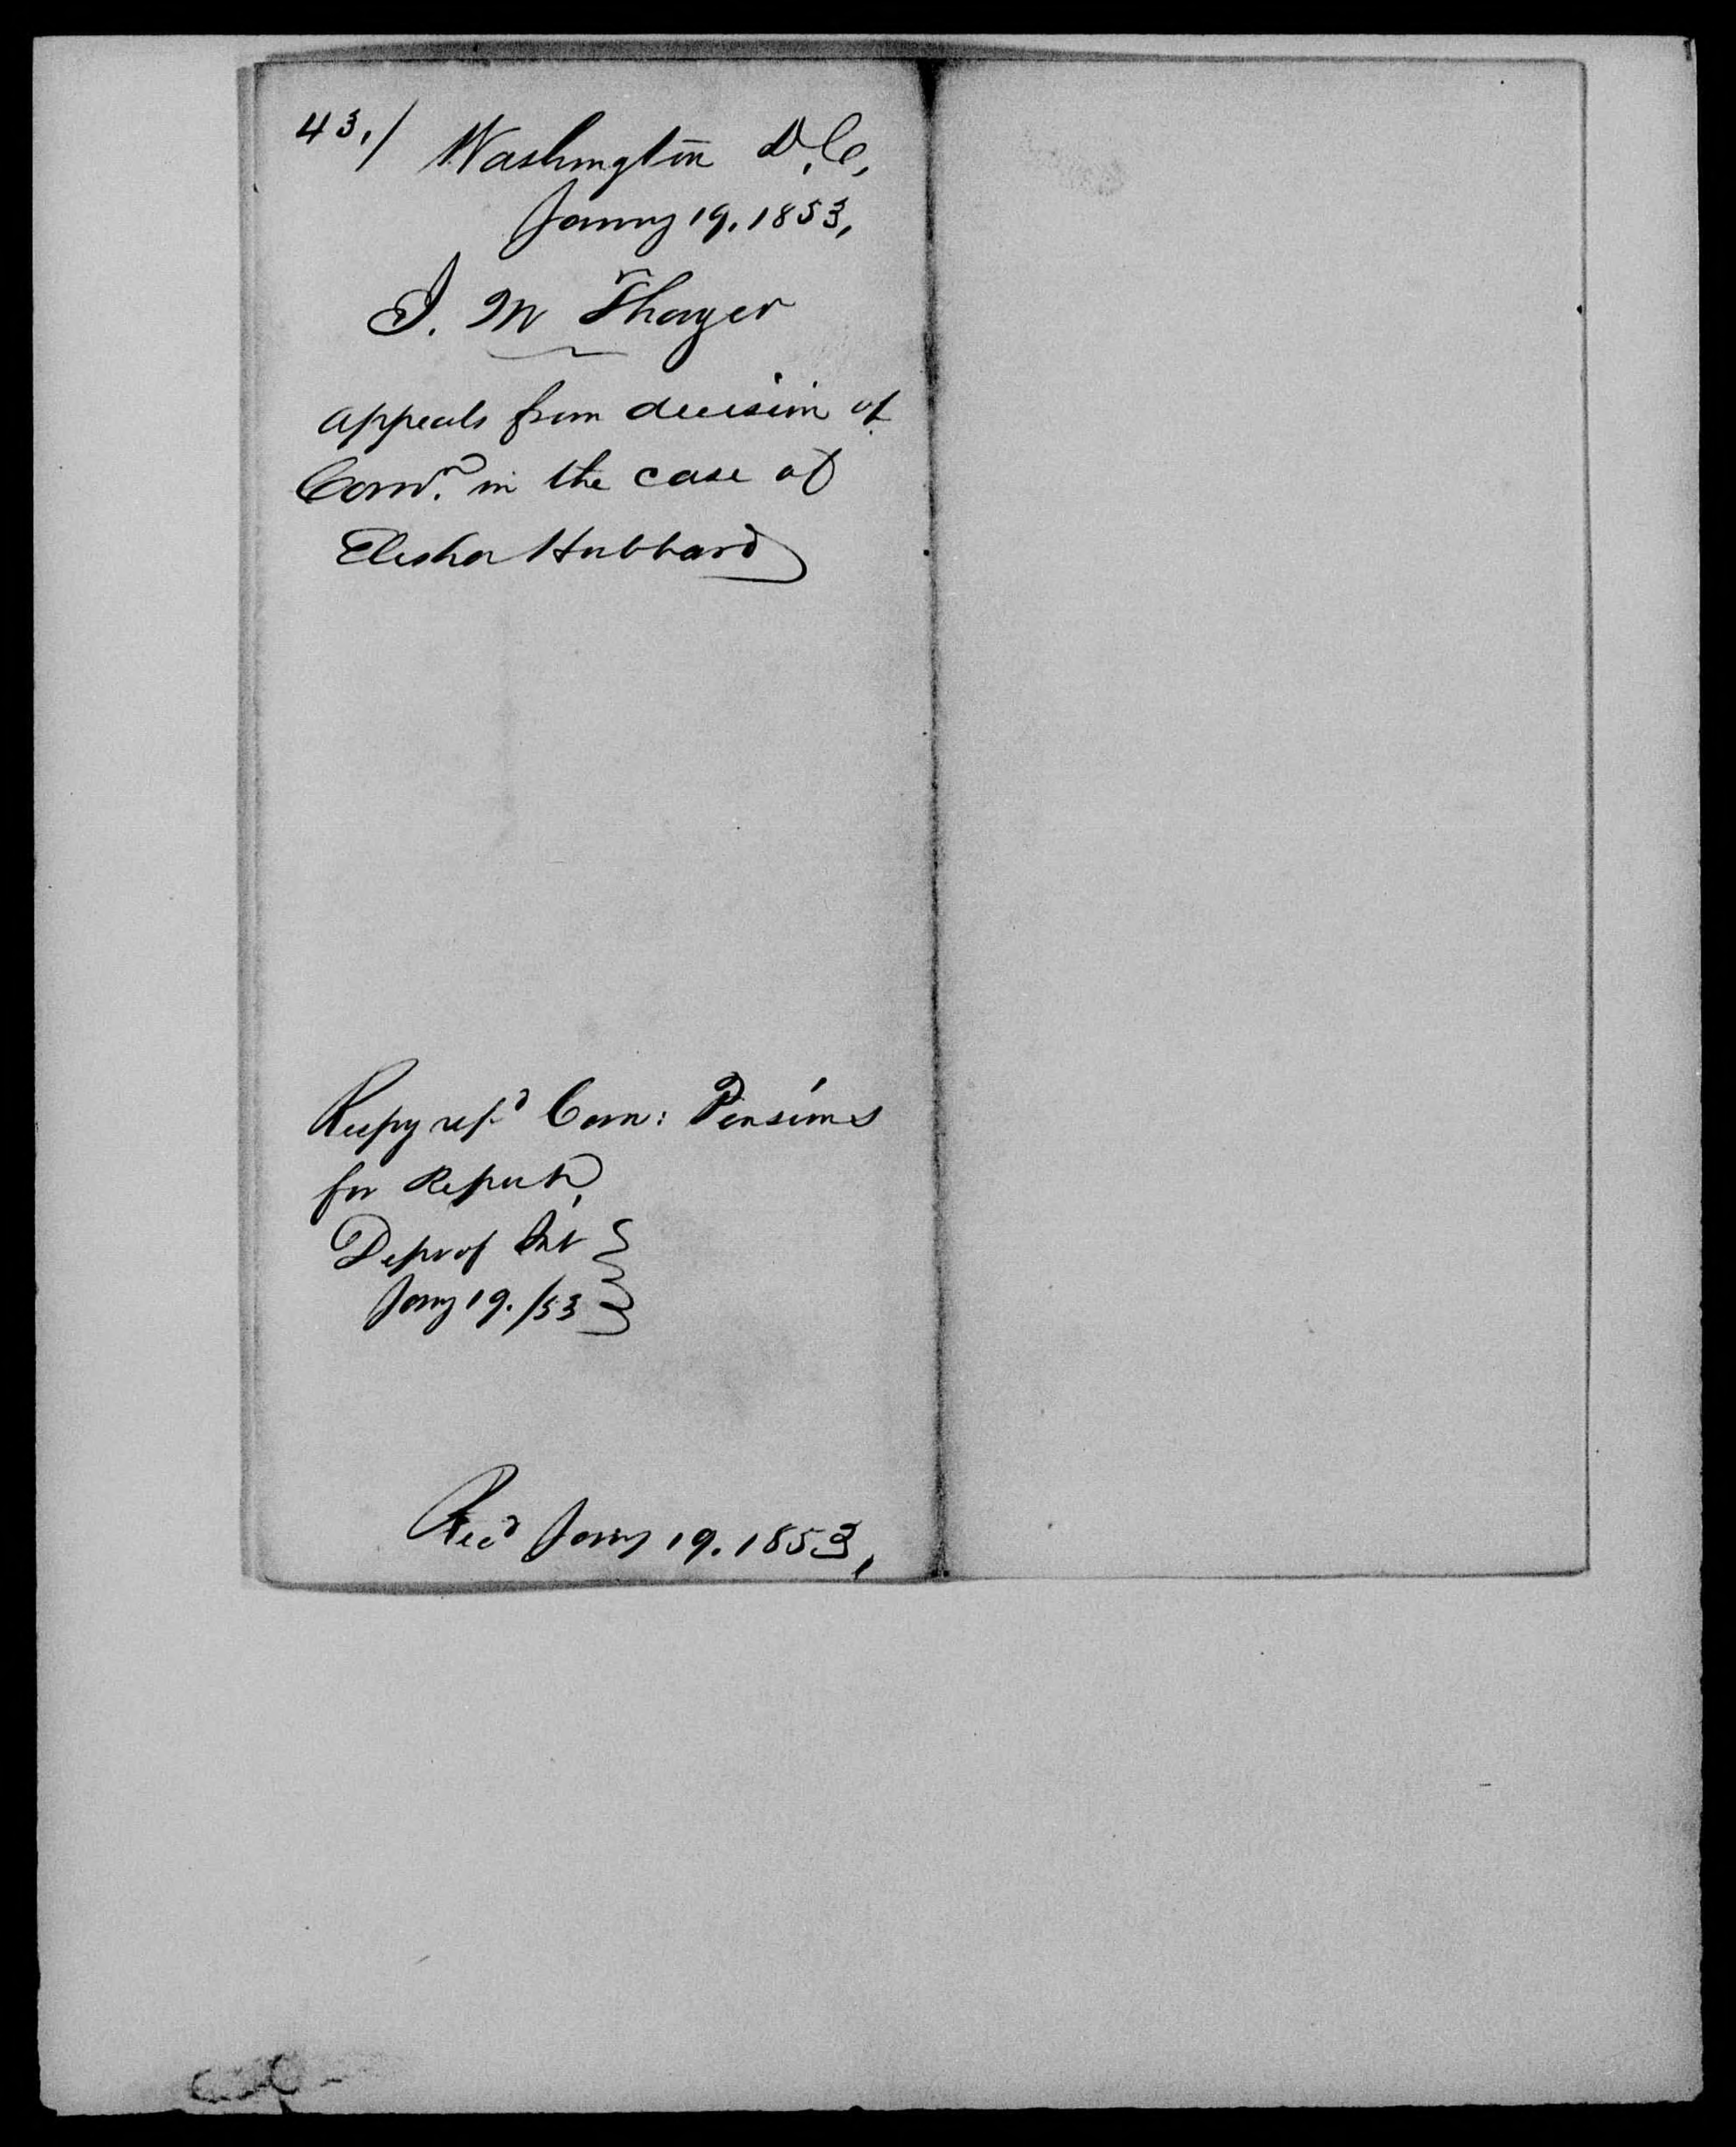43./  Washington D.C.
January 19, 1853,

J. M. Thayer

appeal from decision of Comr in the case of Elisha Hubbard



(?) Repy (?) Com: Pensions
for Report
Depr of In't }
Jany 19./53}


Recd Jany 19, 1853.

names: Elisha Hubbard, J M Thayer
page: 40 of 63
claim: survivor's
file: S. 18457, Elisha Hubbard, Conn. Continental